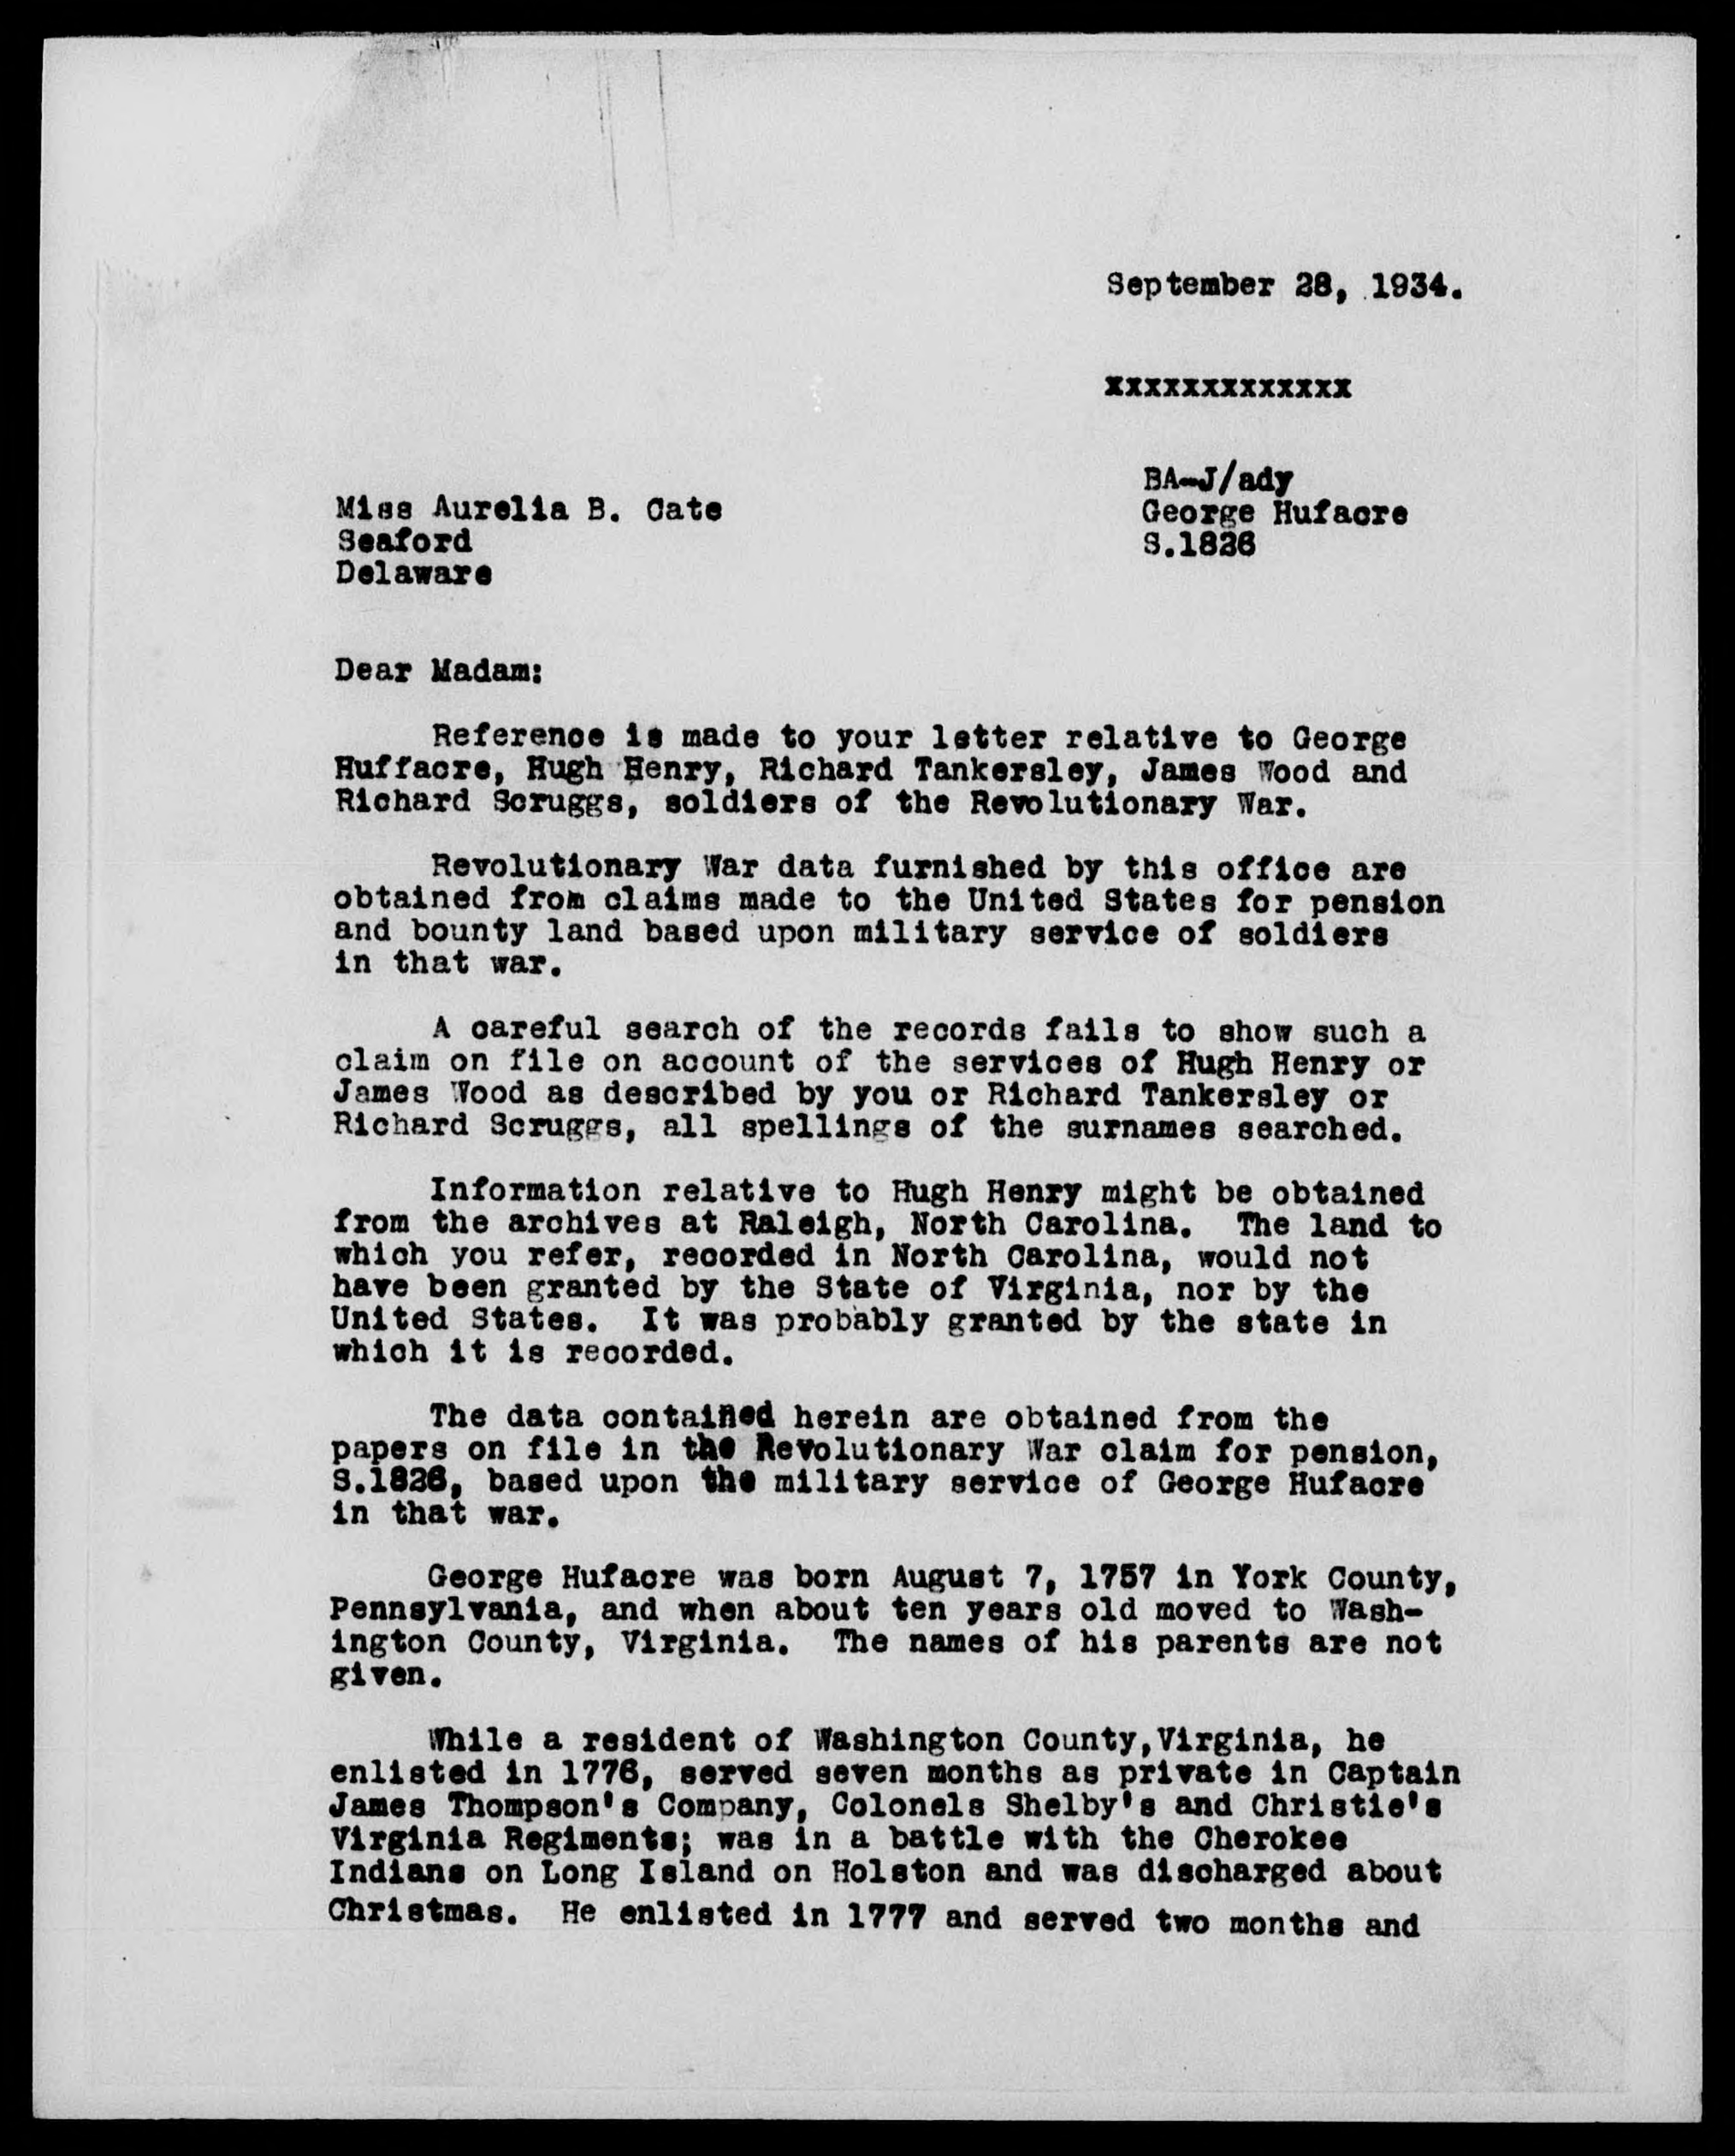September 28th, 1934.
xxxxxxxxxxxxx
Miss Aurelia B. Cate
Seaford
Delaware

BA-J/ady
George Hufacre
S.1826

Dear Madam:
Reference is made to your letter relative to George Huffacre[sic], Hugh Henry, Richard Tankersley, James Wood and Richard Scruggs, soldiers of the Revolutionary War.
Revoltionary War data furnished by this office are obtained from claims made to the United States for pension and bounty land based upon military service of soldiers in that war.
A careful search of the records fails to show such a claim on file on account of the services of Hugh Henry or James Wood as described by you or Richard Tankersley or Richard Scruggs, all spellings of the surnames searched. 
Information relative to Hugh Henry might be obtained from the archives at Raleigh, North Carolina. The land to which you refer, recorded in North Carolina, would not have been granted by the State of Virginia, nor by the United States. It was probably granted by the state in which it was recorded. 
The data contained herein are obtained from the papers on file in the Revolutionary War claim for pension, s.1826, based upon the military service of George Hufacre in that war. 
George Hufacre was born August 7, 1757 in York County, Pennsylvania, and when about ten years old moved to Washington County, Virginia. The names of his parents are not given.
While a resident of Washington County, Virginia, he enlisted in 1776, served seven months as private in Captain James Thompson's Company, Colonels Shelby's and Christie's Virginia Regiments; was in a battle with the Cherokee Indians on Long Island on Holston and was discharged about Christmas. He enlisted in 1777 and served two months and [end of page]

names: Richard Scruggs, James Wood, Hugh Henry, George Huffacre, George Hufacre, Aurelia B Cate, Richard Tankersley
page: 11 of 19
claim: survivor's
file: S. 1826, George Hufacre, Va.